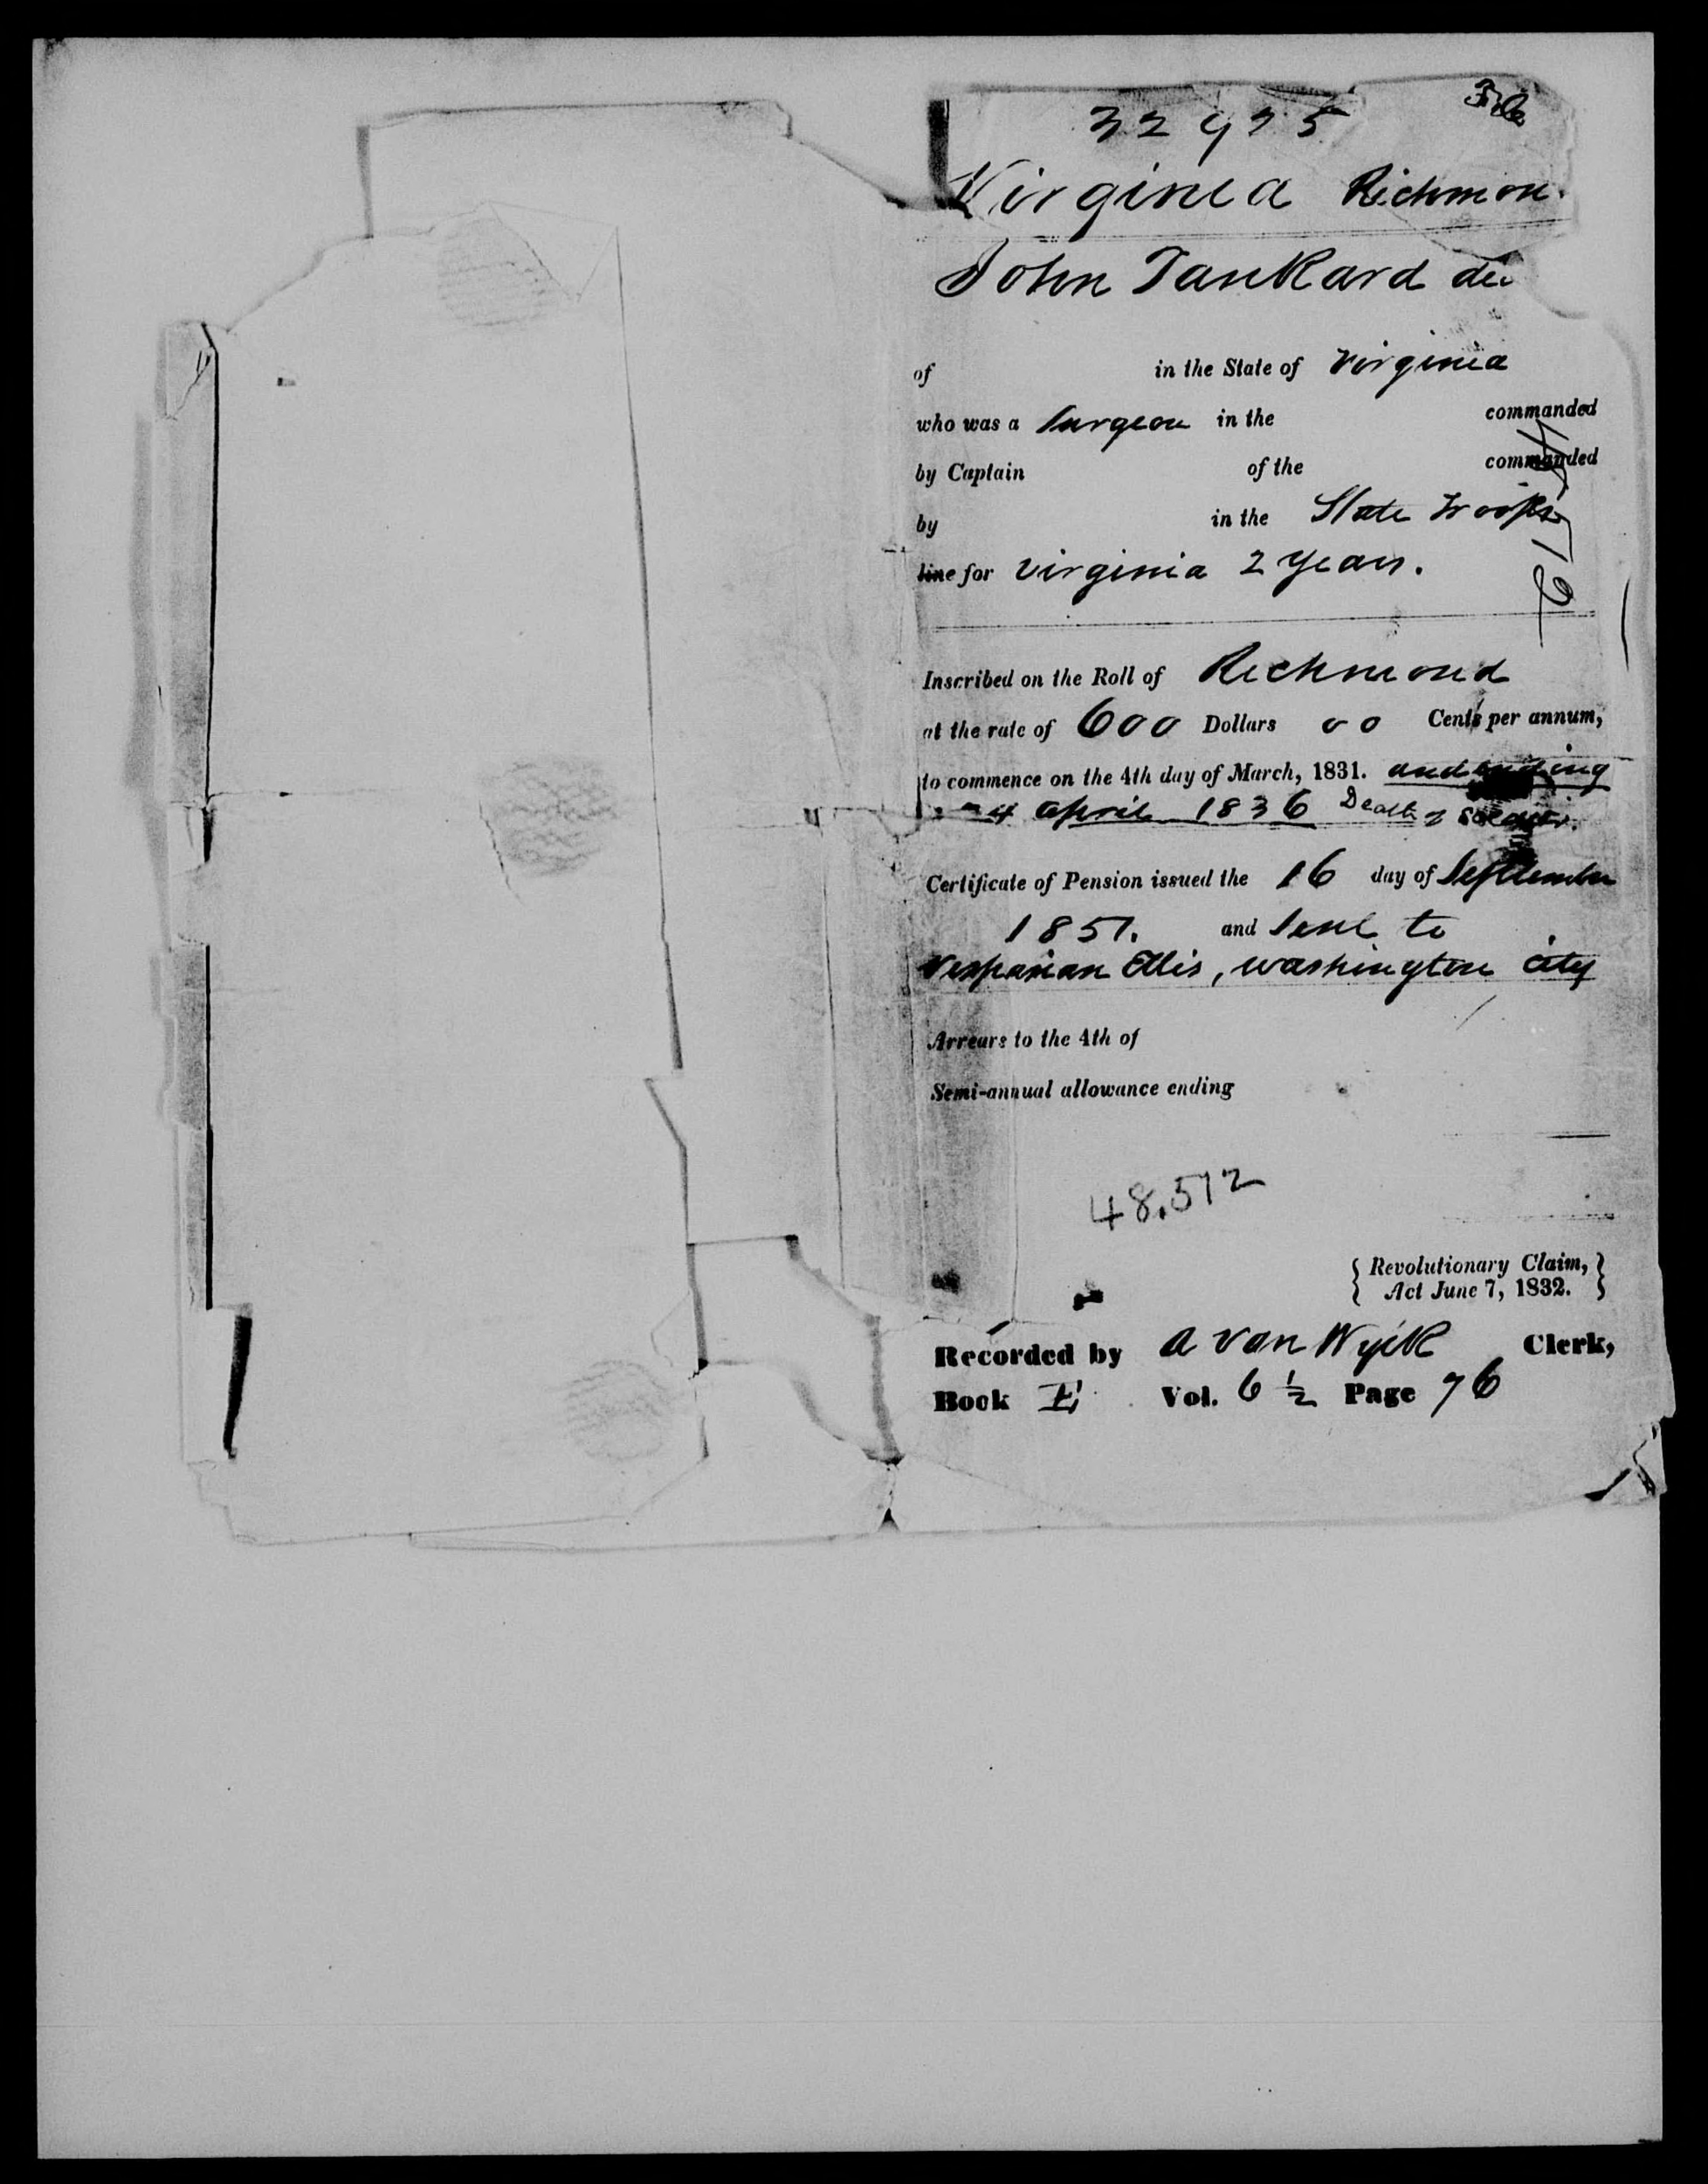32 y 7 5
Virginia Richmon [d
John Tankard [illegible] of [left blank] State of Virginia who was a Surgeon in the [left blank]
commanded by Captain [left blank] of the [left blank] commanded by [left blank] 
in the State Troops for Virginia 2 years.
Described on the Roll of Richmond the rate of 600 Dollars 00 cents per annum, to commence on the 4th day of March, 1831, and [illegible]
April 1836 Death of [illegible]
-
Certificate of Pension issued the 16 day of September 1857 and sent to [illegible] Ellis, Washington City
Arrears to the 4th of [left blank]
Semi-annual allowance ending [left blank]
48.512
Revolutionary Claim,
Act June 7, 1832.
Recorded by A Van Wyck, Clerk, Book E, Vol. 6½ Page 76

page: 2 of 142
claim: survivor's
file: S. 48,512, for John Tankard, Virginia